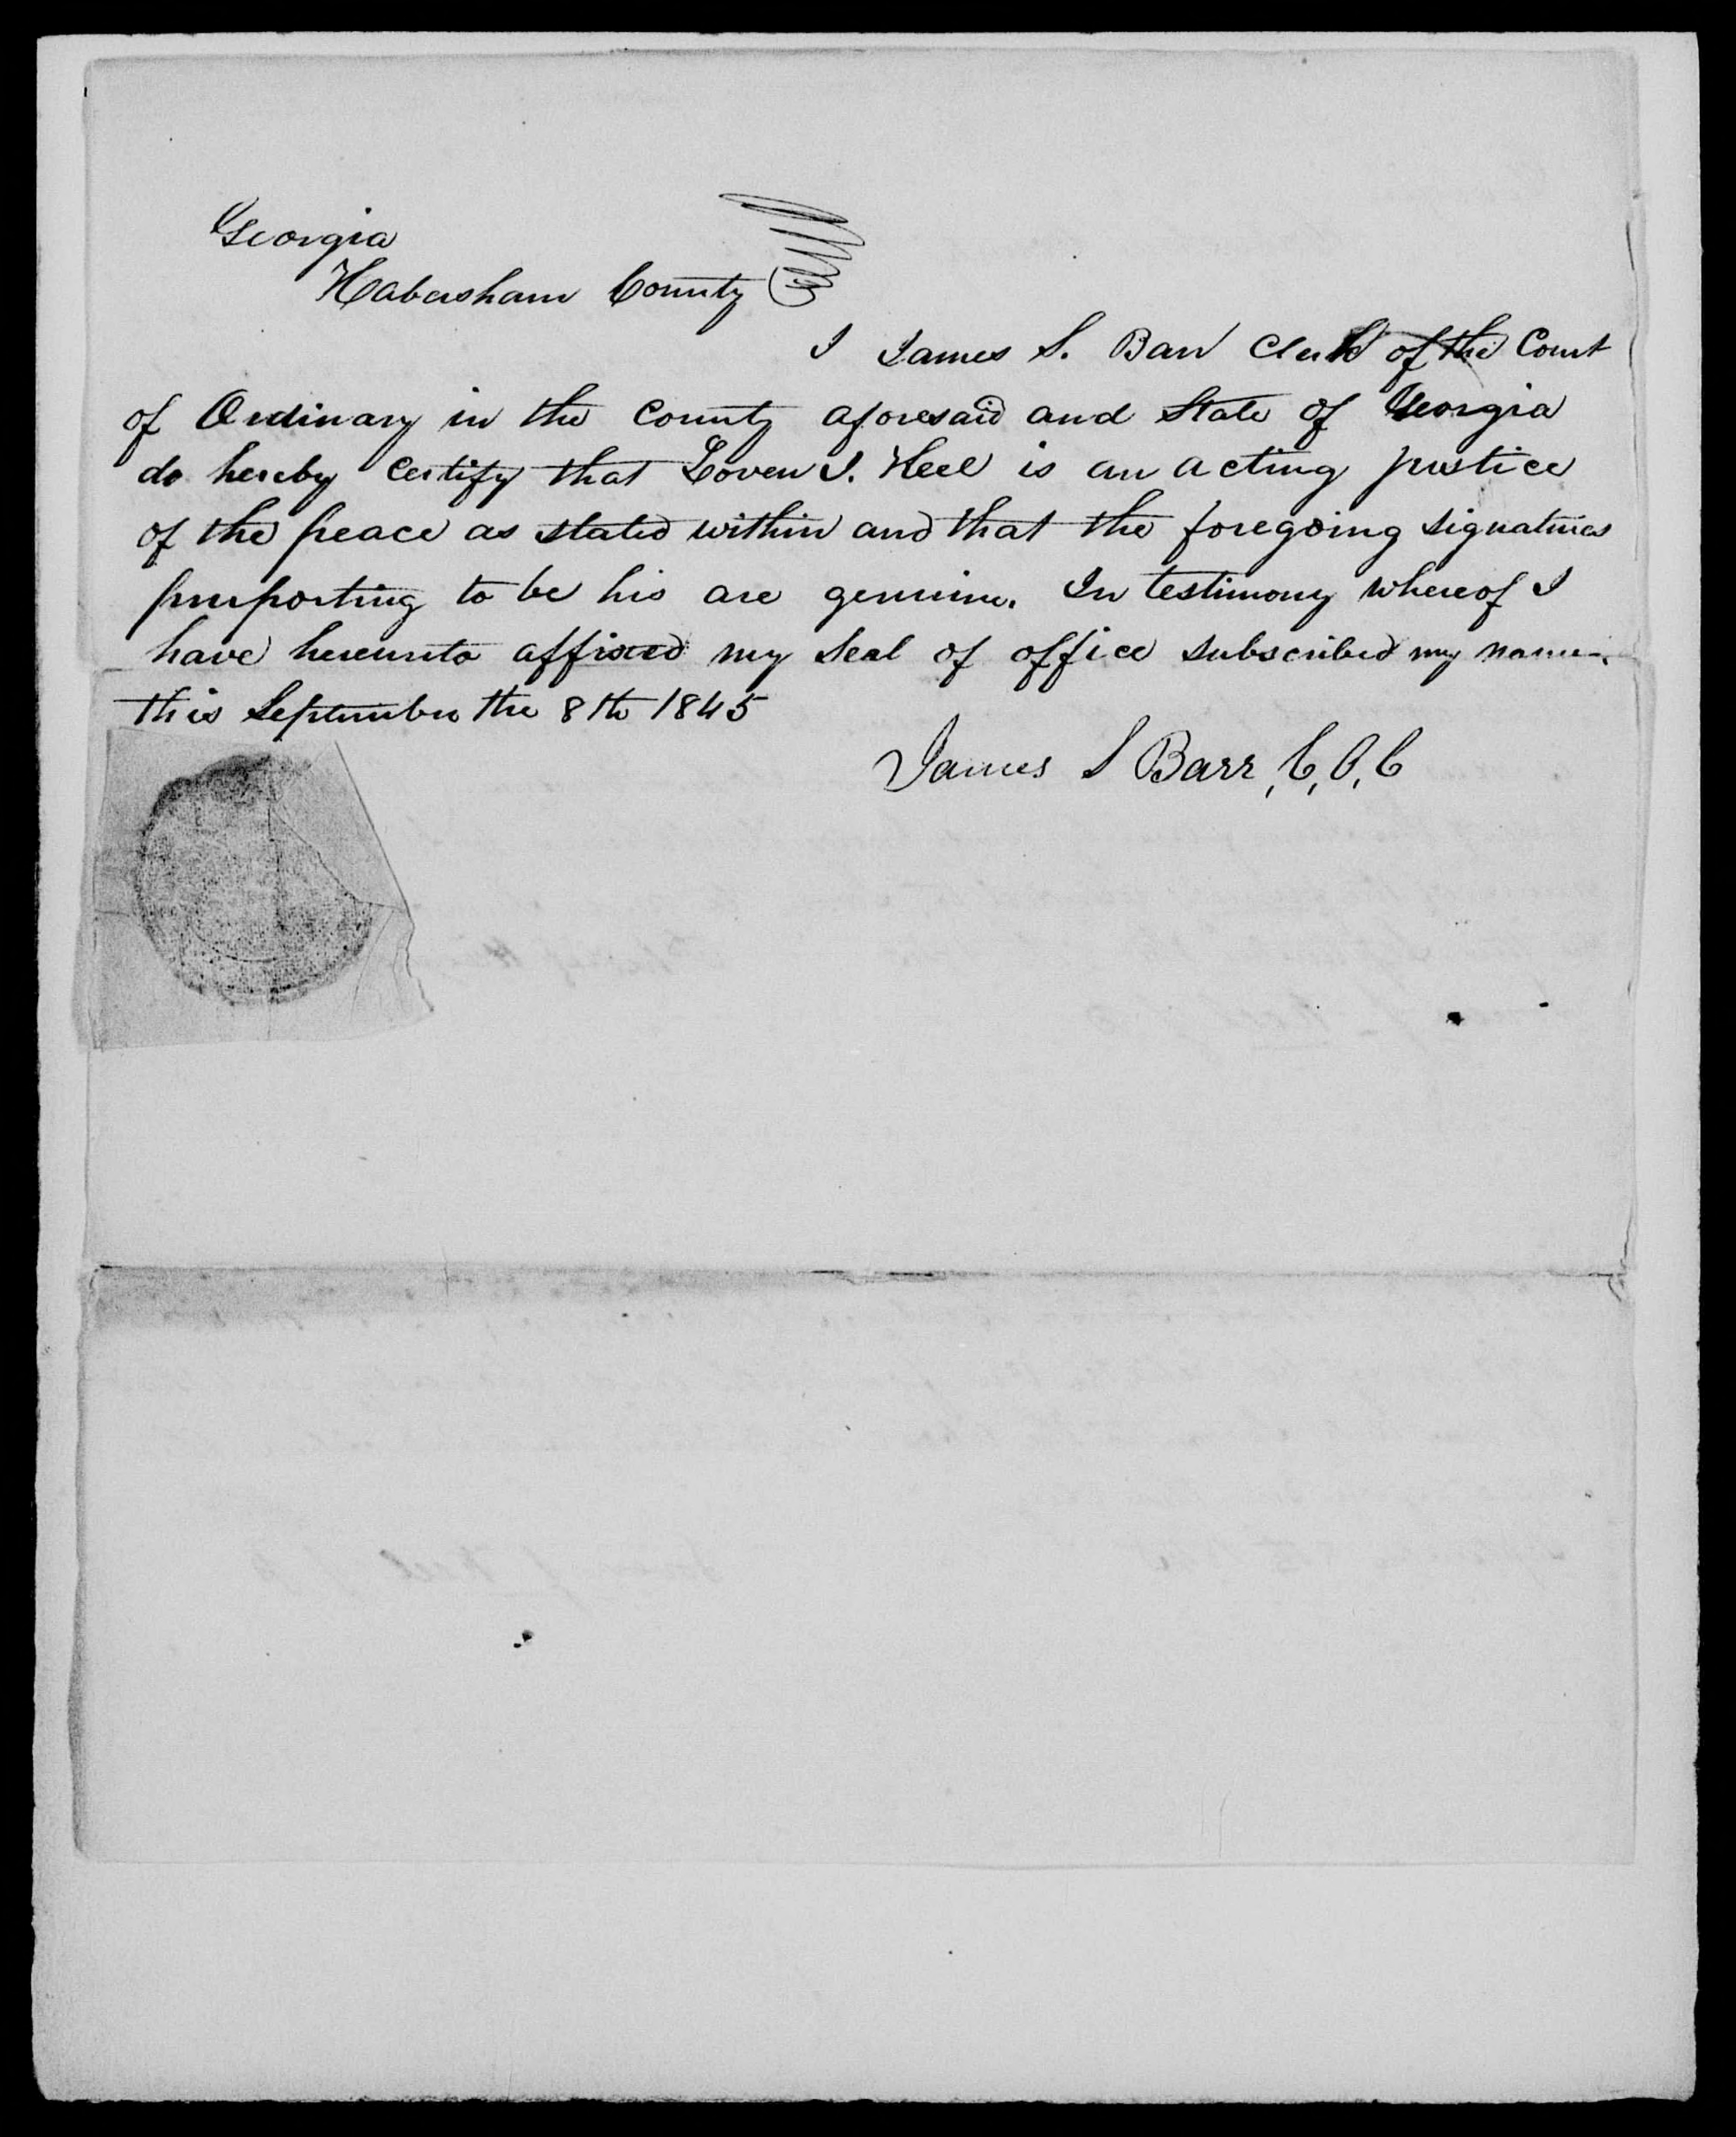Georgia
Wabashaw County (squiggle line vertically)

I James S. Barr Clerk of the court of Ordinary in the county aforesaid and State of Georgia do hereby certify that Loven L. Heel is an acting justice of the peace as states within and that the foregoing signature purporting to be his are genuine In testimony whereof I have hereunto affixed my seal of office subscribed my name This September the 8th 1845
James S Barr C.O.C.

Seal is not clear as to what was written on it.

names: Loven J Heel, James S Barr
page: 88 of 108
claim: rejected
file: R. 7,515, John Hudgins, N.C.